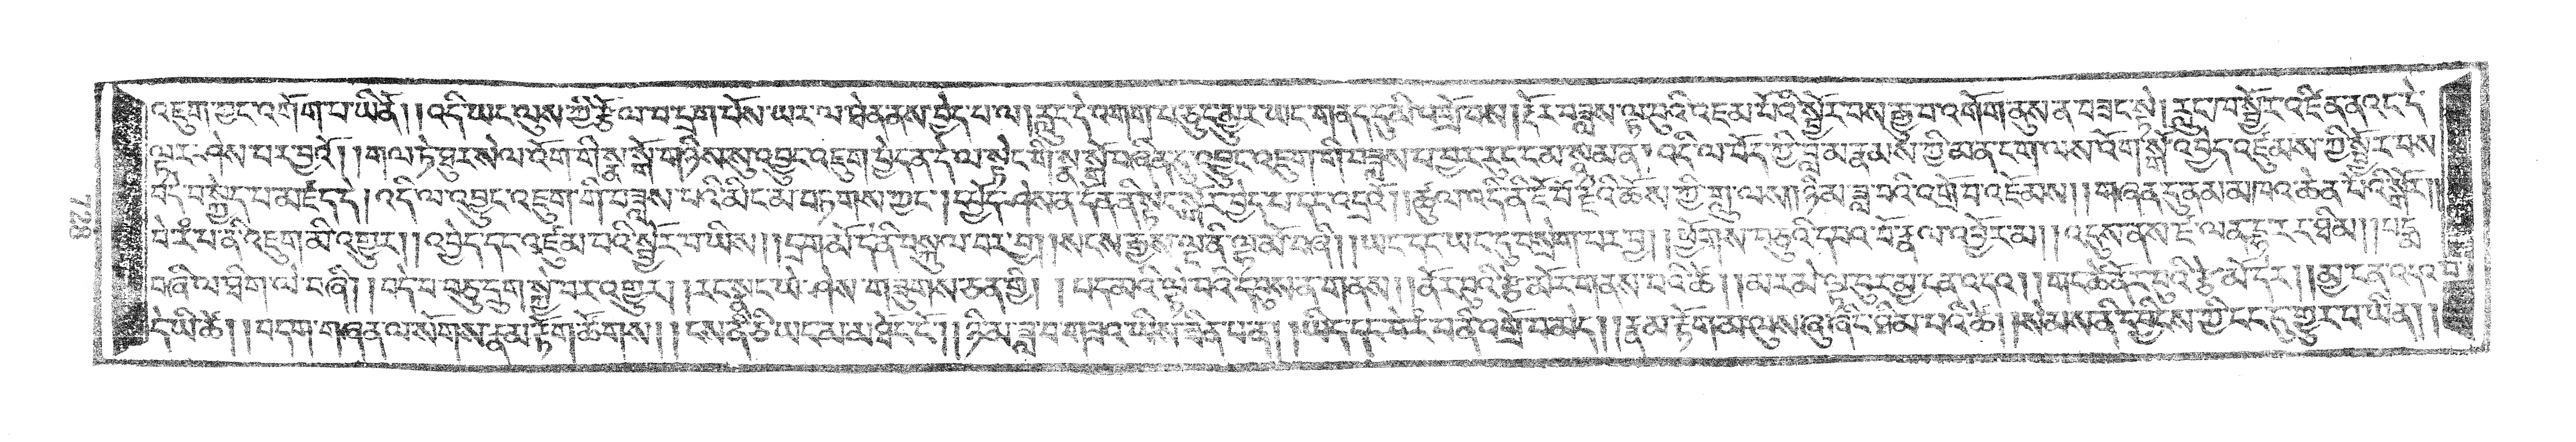འཇུག་ཀྱང་འགོག་པ་ཡིན་ནོ། །འདི་ཡང་ལུས་ཀྱི་རྩོལ་བ་དྲག་པོས་ཡར་ལ་ཐེན་ནས་བྱེད་པ་ལ། རླུང་དེ་འགག་པ་ཅུང་མྱུར་ཡང་གནད་དུ་མི་འགྲོ་བས། རྡོར་བཟླས་ལྟ་བུའི་འཇམ་པོའི་སྦྱོར་བས་རྒྱུ་བ་འགོག་ནུས་ན་བཟང་སྟེ། རླུང་ཁ་སྦྱོར་འཛིན་ནའང་དེ་
ལྟར་ཤེས་པར་བྱའོ། །གལ་ཏེ་ཐུར་སེལ་འོག་གི་སྣ་སྒོ་གཉིས་སུ་འབྱུང་འཇུག་བྱེད་ན་དེ་ལ་སྟེང་གི་སྣ་སྒོ་བཞིན་དུ་འབྱུང་འཇུག་གི་བཟླས་པ་བྱར་རུང་ངམ་སྙམ་ན། འདི་ལ་བོད་ཀྱི་བླ་མ་རྣམས་ཀྱི་མན་ངག་ལས་འོག་སྒོ་འབྱེད་འཛུམས་ཀྱི་སྦྱོར་པས་
བདེ་བ་སྐྱེད་པ་མཛད་དེ། འདི་ལ་འབྱུང་འཇུག་གི་བཟླས་པའི་མིང་མ་བཏགས་ཀྱང་། དཔྱོད་ཤེས་ན་དོན་ནི་སྟེང་སྒོར་བྱེད་པ་དང་འདྲའོ། །ཚུལ་འདི་ནི་ཇོ་བོ་རྗེའི་ཆོས་ཀྱི་གླུ་ལས། ཉི་མ་ཟླ་བའི་འགྲོ་བ་འཇོམས། །གཞན་དུ་ནམ་མཁའ་ཆེན་པོའི་སྒོར། །
བེ་རཾ་པ་ནི་འཇུག་མི་འགྱུར། །འབྱེད་དང་འཛུམ་པའི་སྦྱོར་བ་ཡིས། །དྲག་མོ་དེ་ནི་བསྐུལ་བར་བྱ། །སངས་རྒྱས་ལྔ་ནི་ལྷ་མོ་བཞི། །ཡང་དང་ཡང་དུ་བསྲེག་པར་བྱ། །ཕྱོགས་བཅུའི་དཔའ་བོ་རྣལ་འབྱོར་མ། །འདུས་ནས་ཛ་ལན་དྷ་རར་ཐིམ། །པདམ་
བཞི་ལ་ཐིག་ལེ་བཞི། །བདེ་བ་བཅུ་དྲུག་སྐྱེ་བར་འགྱུར། །རང་སྣང་ཡེ་ཤེས་གཟུགས་ཅན་གྱི། །པད་མའི་ལྟེ་བའི་དབུས་ན་གནས། །ནོར་བུའི་རྩེ་མོར་གནས་པའི་ཚེ། །མར་མེ་ལྟ་བུར་མྱ་ངན་འདའ། །གང་ཚེ་ནོར་བུའི་རྩེ་མོ་དེར། །མྱ་ངན་འདའ་བ་
དེ་ཡི་ཚེ། །བདག་གཞན་ལ་སོགས་རྣམ་རྟོག་ཚོགས། །ངས་ནི་ཅི་ཡང་མ་མཐོང་ངོ། །ཉི་མ་ཟླ་བ་གཟའ་ཡིས་ཟིན་པ་ན། །ཡིད་དང་བེ་རཾ་པ་ནི་འགྲོ་བ་མེད། །རྣམ་རྟོག་མ་ལུས་ཞུ་ཞིང་ཐིམ་པའི་ཚེ། །སེམས་ནི་དབྱིངས་ཀྱི་ངང་དུ་གྱུར་པ་ཡིན། །